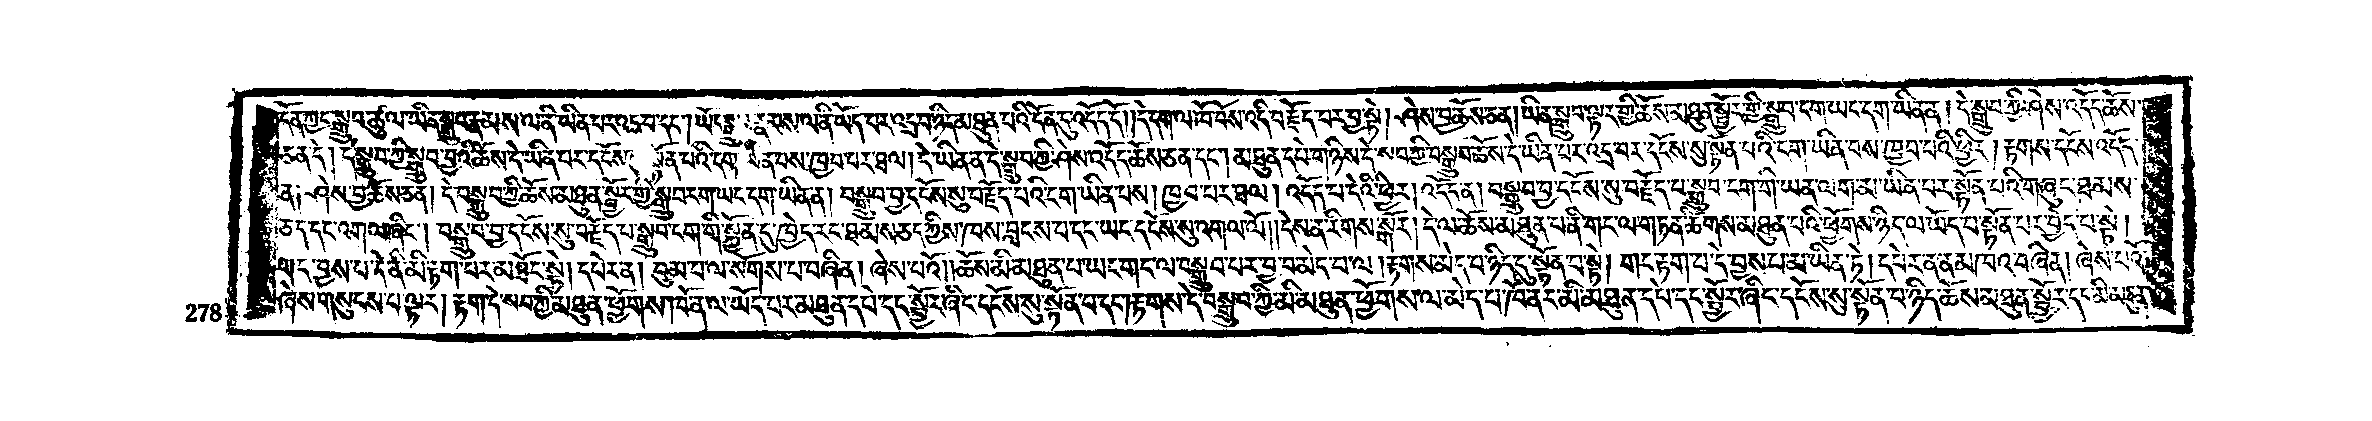དོན་ཀྱང་སྒྲུབ་ཚུལ་ཡིན་སྒྲུབ་རྣམས་ལ་ནི་ཡིན་པར་འདྲ་བ་དང་། ཡོད་སྒྲུབ་རྣམས་ལ་ནི་ཡོད་པར་འདྲ་བ་ཉིད་མཐུན་པའི་དོན་དུ་འདོད་དོ། །དེ་དག་ལ་ཁོ་བོས་འདི་བརྗོད་པར་བྱ་སྟེ། ཤེས་བྱ་ཆོས་ཅན། ཡིན་སྒྲུབ་ལྟར་གྱི་ཆོས་མཐུན་སྦྱོར་གྱི་སྒྲུབ་ངག་ཡང་དག་ཡིན་ན། དེ་སྒྲུབ་ཀྱི་ཤེས་འདོད་ཆོས་
ཅན་དེ། དེ་སྒྲུབ་ཀྱི་སྒྲུབ་བྱའི་ཆོས་དེ་ཡིན་པར་དངོས་སུ་སྟོན་པའི་ངག་ཡིན་པས་ཁྱབ་པར་ཐལ། དེ་ཡིན་ན་དེ་སྒྲུབ་ཀྱི་ཤེས་འདོད་ཆོས་ཅན་དང་། མཐུན་དཔེ་གཉིས་དེ་སྒྲུབ་ཀྱི་བསྒྲུབ་ཆོས་དེ་ཡིན་པར་འདྲ་བར་དངོས་སུ་སྟོན་པའི་ངག་ཡིན་པས་ཁྱབ་པའི་ཕྱིར། རྟགས་དངོས་འདོད་
ན༑ ཤེས་བྱ་ཆོས་ཅན། དེ་བསྒྲུབ་ཀྱི་ཆོས་མཐུན་སྦྱོར་གྱི་སྒྲུབ་དག་ཡང་དག་ཡིན་ན། བསྒྲུབ་བྱ་དངོས་སུ་བརྗོད་པའི་ངག་ཡིན་པས། ཁྱབ་པར་ཐལ། འདོད་པ་དེའི་ཕྱིར། འདོད་ན། བསྒྲུབ་བྱ་དངོས་སུ་བརྗོད་པ་སྒྲུབ་དག་གི་ཡན་ལག་མ་ཡིན་པར་སྟོན་པའི་གཞུང་ཐམས་
ཅད་དང་འགལ་ཞིང་། བསྒྲུབ་བྱ་དངོས་སུ་བརྗོད་པ་སྒྲུབ་དག་གི་སྐྱོན་དུ་ཁྱེད་རང་ཐམས་ཅད་ཀྱིས་ཁས་བླངས་པ་དང་ཡང་དངོས་སུ་འགལ་ལོ། །དེས་ན་རིགས་སྒོར། དེ་ལ་ཆོས་མཐུན་པ་ནི་གང་ལ་གཏན་ཚིགས་མཐུན་པའི་ཕྱོགས་ཉིད་ལ་ཡོད་པ་སྟོན་པར་བྱེད་པ་སྟེ།
གང་བྱས་པ་དེ་ནི་མི་རྟག་པར་མཐོང་སྟེ། དཔེར་ན། བུམ་པ་ལ་སོགས་པ་བཞིན། ཞེས་པའོ། །ཆོས་མི་མཐུན་པ་ཡང་གང་ལ་བསྒྲུབ་པར་བྱ་བ་མེད་པ་ལ། རྟགས་མེད་པ་ཉིད་དུ་སྟོན་པ་སྟེ། གང་རྟག་པ་དེ་བྱས་པ་མ་ཡིན་ཏེ། དཔེར་ན་ནམ་མཁའ་བཞིན། ཞེས་པའོ༑
ཞེས་གསུངས་པ་ལྟར། རྟག་དེ་སྒྲུབ་ཀྱི་མཐུན་ཕྱོགས་ཁོ་ན་ལ་ཡོད་པར་མཐུན་དཔེ་དང་སྦྱོར་ཞིང་དངོས་སུ་སྟོན་པ་དང་། རྟགས་དེ་བསྒྲུབ་ཀྱི་མི་མཐུན་ཕྱོགས་ལ་མེད་པ་ཁོ་ནར་མི་མཐུན་དཔེ་དང་སྦྱོར་ཞིང་དངོས་སུ་སྟོན་པ་ཉིད་ཆོས་མཐུན་སྦྱོར་དང་མི་མཐུན་